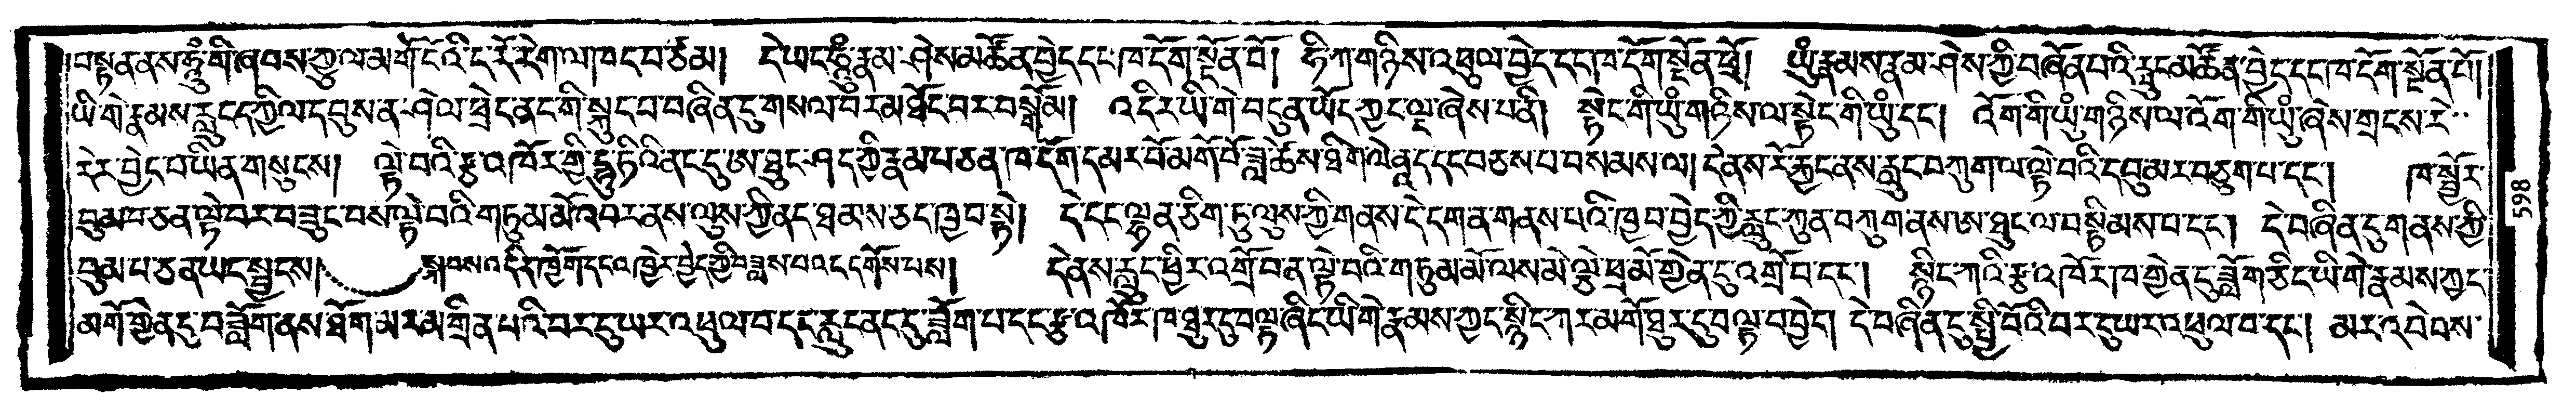བསྟན་ནས་ཧཱུཾ་གི་ཞབས་ཀྱུ་ལ་མགོ་ངོའི་ང་རོ་རེག་ལ་ཁང་པ་ཙམ། དེ་ཡང་ཧཱུཾ་རྣམ་ཤེས་མཚོན་བྱེད་དང་ཁ་དོག་སྔོན་པོ། ཧི་ཀ་གཉིས་འཕུལ་བྱེད་དང་ཁ་དོག་སྔོན་ཕྲོ། ཡུཾ་རྣམས་རྣམ་ཤེས་ཀྱི་བཞོན་པའི་རླུང་མཚོན་བྱེད་དང་ཁ་དོག་སྔོན་པོ།
ཡི་གེ་རྣམས་རླུང་དཀྱིལ་དབུས་ན་ཤེལ་ཕྲེང་ནང་གི་སྐུད་པ་བཞིན་དུ་གསལ་བར་མཐོང་བར་བསྒོམ། འདིར་ཡི་གེ་བདུན་ཡོད་ཀྱང་ལྔ་ཞེས་པ་ནི། སྟེང་གི་ཡུཾ་གཉིས་ལ་སྟེང་གི་ཡུཾ་དང་། འོག་གི་ཡུཾ་གཉིས་ལ་འོག་གི་ཡུཾ་ཞེས་གྲངས་རེ་
རེར་བྱེད་པ་ཡིན་གསུངས། ལྟེ་བའི་རྩ་འཁོར་གྱི་དྷུ་ཏིའི་ནང་དུ་ཨ་ཐུང་ཤད་ཀྱི་རྣམ་པ་ཅན་ཁ་དོག་དམར་པོ་མགོ་བོ་ཟླ་ཚེས་ཐིག་ལེ་ནཱ་ད་དང་བཅས་པ་བསམས་ལ། དེ་ནས་རོ་རྐྱང་ནས་རླུང་བཀུག་ལ་ལྟེ་བའི་དབུ་མར་བཅུག་པ་དང་། ཁ་སྦྱོར་
བུམ་པ་ཅན་ལྟེ་བར་བཟུང་བས་ལྟེ་བའི་གཏུམ་མོ་འབར་ནས་ལུས་ཀྱི་ནད་ཐམས་ཅད་ཁྱབ་སྟེ། དེ་དང་ལྷན་ཅིག་ཏུ་ལུས་ཀྱི་གནས་དེ་དག་ན་གནས་པའི་ཁྱབ་བྱེད་ཀྱི་རླུང་ཀུན་བཀུག་ནས་ཨ་ཐུང་ལ་བསྟིམས་པ་དང་། དེ་བཞིན་དུ་གནས་ཀྱི་
བུམ་པ་ཅན་ཡང་སྦྱངས། སྐབས་འདིར་ཁྱོག་དང་འཁྱེར་བྱེད་ཀྱི་བཟླས་པའང་དགོས་པས།  དེ་ནས་རླུང་ཕྱིར་འགྲོ་བ་ན་ལྟེ་བའི་གཏུམ་མོ་ལས་མེ་ལྕེ་ཕྲ་མོ་གྱེན་དུ་འགྲོ་བ་དང་། སྙིང་ཀའི་རྩ་འཁོར་ཁ་གྱེན་དུ་ཟློག་ཅིང་ཡི་གེ་རྣམས་ཀྱང་
མགོ་གྱེན་དུ་བཟློག་ནས་ཐོག་མར་མགྲིན་པའི་བར་དུ་ཡར་འཕུལ་བ་དང་རླུང་ནང་དུ་ཟློག་པ་དང་རྩ་འཁོར་ཁ་ཐུར་དུ་བལྟ་ཞིང་ཡི་གེ་རྣམས་ཀྱང་སྙིང་ཀར་མགོ་ཐུར་དུ་བལྟ་བ་བྱེད། དེ་བཞིན་དུ་སྤྱི་བོའི་བར་དུ་ཡར་འཕུལ་བ་དང་། མར་འབེབས་